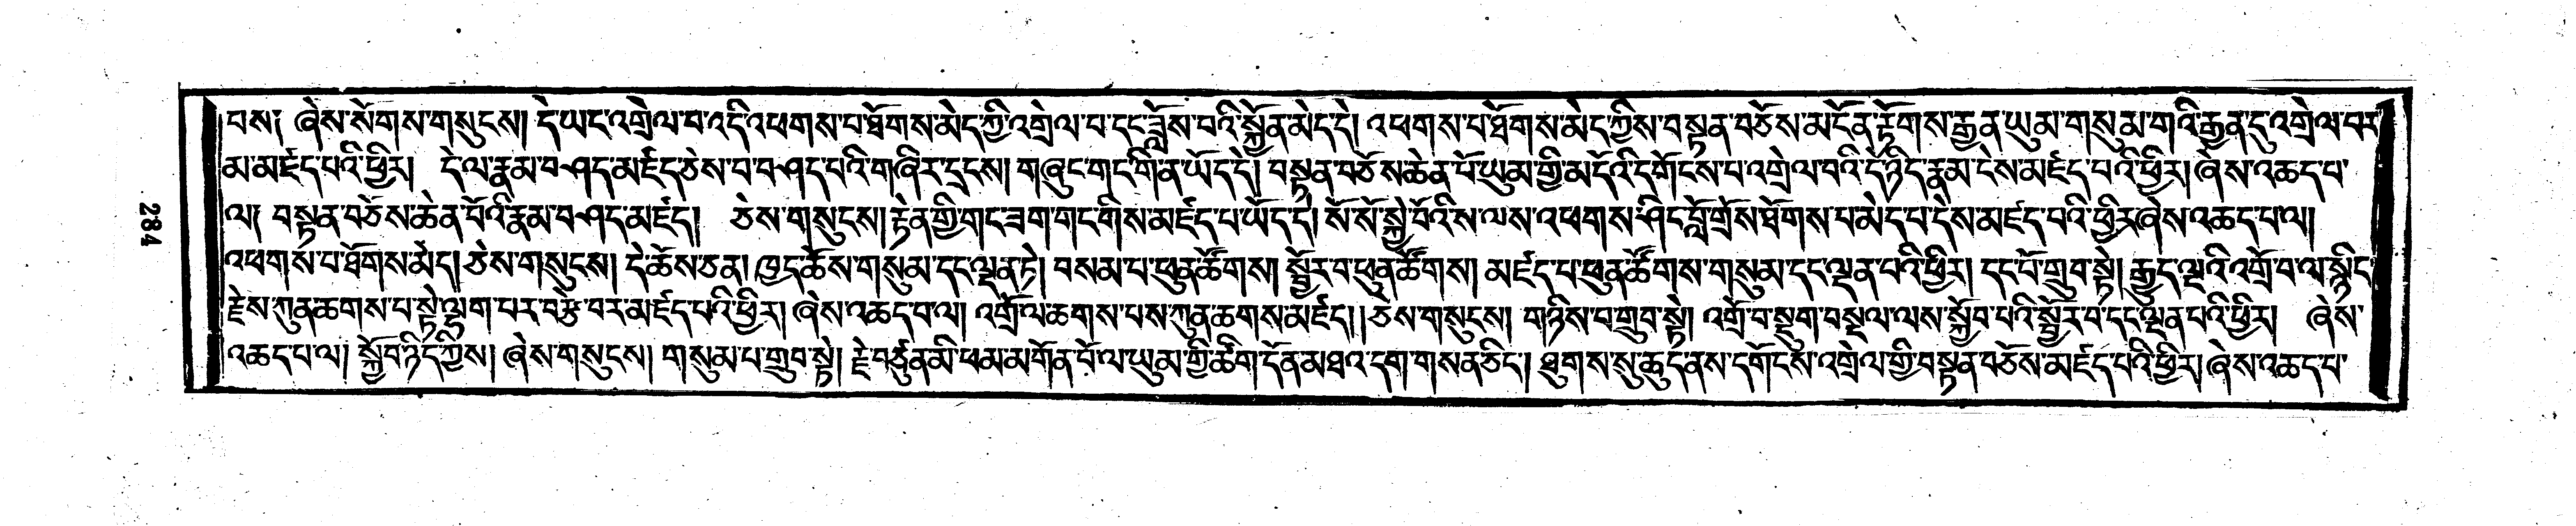པས༑ ཞེས་སོགས་གསུངས། དེ་ཡང་འགྲེལ་པ་འདི་འཕགས་པ་ཐོགས་མེད་ཀྱི་འགྲེལ་པ་དང་ཟློས་པའི་སྐྱོན་མེད་དེ། འཕགས་པ་ཐོགས་མེད་ཀྱིས་བསྟན་བཅོས་མངོན་རྟོགས་རྒྱན་ཡུམ་གསུམ་གའི་རྒྱན་དུ་འགྲེལ་པར་
མ་མཛད་པའི་ཕྱིར། དེ་ལ་རྣམ་བཤད་མཛད་ཅེས་པ་བཤད་པའི་གཞིར་དྲངས། གཞུང་གང་གི་ན་ཡོད་དེ། བསྟན་བཅོས་ཆེན་པོ་ཡུམ་གྱི་མདོའི་དགོངས་པ་འགྲེལ་བའི་དེ་ཉིད་རྣམ་ངེས་མཛད་པའི་ཕྱིར། ཞེས་འཆད་པ་
ལ༑ བསྟན་བཅོས་ཆེན་པོའི་རྣམ་བཤད་མཛད། ཅེས་གསུངས། རྟེན་གྱི་གང་ཟག་གང་གིས་མཛད་པ་ཡོད་དེ། སོ་སོ་སྐྱེ་བོའི་ས་ལས་འཕགས་ཤིང་བློ་གྲོས་ཐོགས་པ་མེད་པ་དེས་མཛད་པའི་ཕྱིར་ཞེས་འཆད་པ་ལ།
འཕགས་པ་ཐོགས་མེད། ཅེས་གསུངས། དེ་ཆོས་ཅན། ཁྱད་ཆོས་གསུམ་དང་ལྡན་ཏེ། བསམ་པ་ཕུན་ཚོགས། སྦྱོར་བ་ཕུན་ཚོགས། མཛད་པ་ཕུན་ཚོགས་གསུམ་དང་ལྡན་པའི་ཕྱིར། དང་པོ་གྲུབ་སྟེ། རྒྱུད་ལྔའི་འགྲོ་བ་ལ་སྙིང་
རྗེས་ཀུན་ཆགས་པ་སྟེ་ལྷག་པར་བརྩེ་བར་མཛད་པའི་ཕྱིར། ཞེས་འཆད་པ་ལ། འགྲོ་ལ་ཆགས་པས་ཀུན་ཆགས་མཛད། །ཅེས་གསུངས། གཉིས་པ་གྲུབ་སྟེ། འགྲོ་བ་སྡུག་བསྔལ་ལས་སྐྱོབ་པའི་སྦྱོར་བ་དང་ལྡན་པའི་ཕྱིར། ཞེས་
འཆད་པ་ལ། སྐྱོབ་ཉིད་ཀྱིས། ཞེས་གསུངས། གསུམ་པ་གྲུབ་སྟེ། རྗེ་བཙུན་མི་ཕམ་མགོན་པོ་ལ་ཡུམ་གྱི་ཚིག་དོན་མཐའ་དག་གསན་ཅིང་། ཐུགས་སུ་ཆུད་ནས་དགོངས་འགྲེལ་གྱི་བསྟན་བཅོས་མཛད་པའི་ཕྱིར། ཞེས་འཆད་པ་